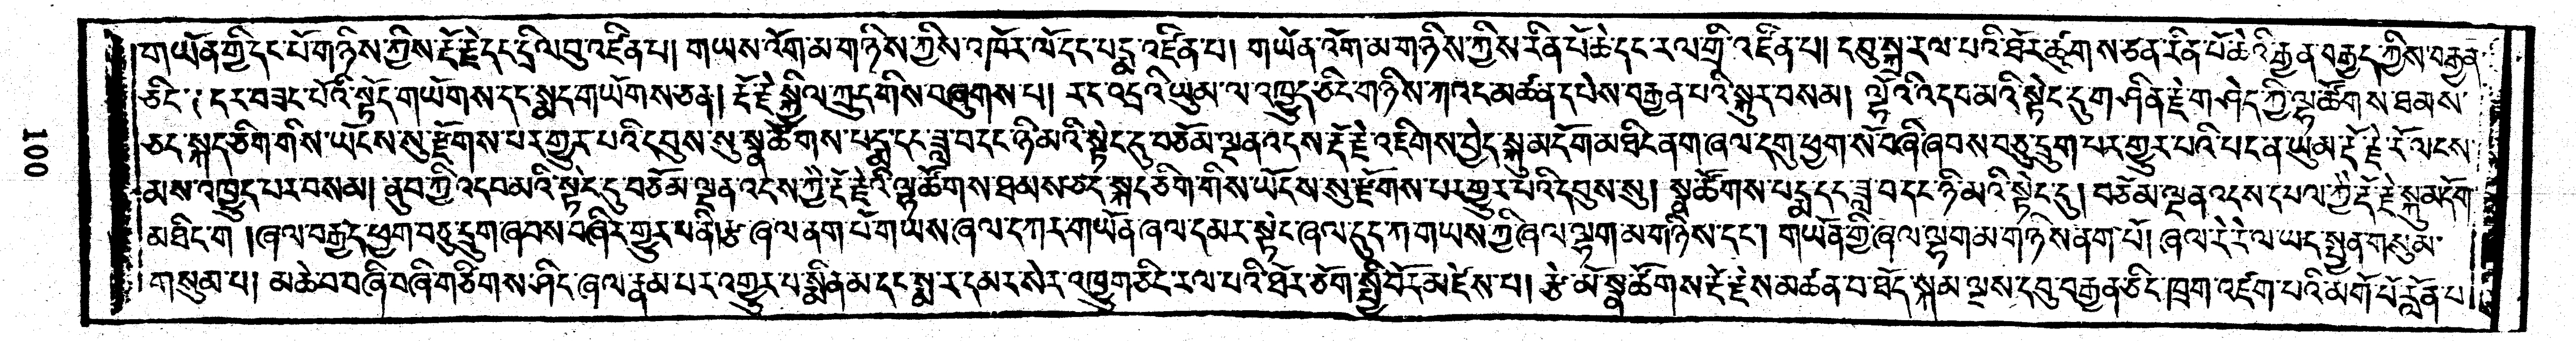གཡོན་གྱི་དང་པོ་གཉིས་ཀྱིས་རྡོ་རྗེ་དང་དྲིལ་བུ་འཛིན་པ། གཡས་འོག་མ་གཉིས་ཀྱིས་འཁོར་ལོ་དང་པདམ་འཛིན་པ། གཡོན་འོག་མ་གཉིས་ཀྱིས་རིན་པོ་ཆེ་དང་རལ་གྲི་འཛིན་པ། དབུ་སྐྲ་རལ་པའི་ཐོར་ཚུགས་ཅན་རིན་པོ་ཆེའི་རྒྱན་བརྒྱད་ཀྱིས་བརྒྱན་
ཅིང༑ དར་བཟང་པོའི་སྟོད་གཡོགས་དང་སྨད་གཡོགས་ཅན། རྡོ་རྗེ་སྐྱིལ་ཀྲུང་གིས་བཞུགས་པ། རང་འདྲའི་ཡུམ་ལ་འཁྱུད་ཅིང་གཉིས་ཀའང་མཚན་དཔེས་བརྒྱན་པའི་སྐུར་བསམ། ལྷོའི་འདབ་མའི་སྟེང་དུ་གཤིན་རྗེ་གཤེད་ཀྱི་ལྷ་ཚོགས་ཐམས་
ཅད་སྐད་ཅིག་གིས་ཡོངས་སུ་རྫོགས་པར་གྱུར་པའི་དབུས་སུ་སྣ་ཚོགས་པདམ་དང་ཟླ་བ་དང་ཉི་མའི་སྟེང་དུ་བཅོམ་ལྡན་འདས་རྡོ་རྗེ་འཇིགས་བྱེད་སྐུ་མདོག་མཐིང་ནག་ཞལ་དགུ་ཕྱག་སོ་བཞི་ཞབས་བཅུ་དྲུག་པར་གྱུར་པའི་པང་ན་ཡུམ་རྡོ་རྗེ་རོ་ལངས་
མས་འཁྱུད་པར་བསམ། ནུབ་ཀྱི་འདབ་མའི་སྟེང་དུ་བཅོམ་ལྡན་འདས་ཀྱཻ་རྡོ་རྗེའི་ལྷ་ཚོགས་ཐམས་ཅད་སྐད་ཅིག་གིས་ཡོངས་སུ་རྫོགས་པར་གྱུར་པའི་དབུས་སུ། སྣ་ཚོགས་པདམ་དང་ཟླ་བ་དང་ཉི་མའི་སྟེང་དུ། བཅོམ་ལྡན་འདས་དཔལ་ཀྱཻ་རྡོ་རྗེ་སྐུ་མདོག་
མཐིང་ག །ཞལ་བརྒྱད་ཕྱག་བཅུ་དྲུག་ཞབས་བཞིར་གྱུར་པ་ནི། རྩ་ཞལ་ནག་པོ་གཡས་ཞལ་དཀར་གཡོན་ཞལ་དམར་སྟེང་ཞལ་དུད་ཀ་གཡས་ཀྱི་ཞལ་ལྷག་མ་གཉིས་དང་། གཡོན་གྱི་ཞལ་ལྷག་མ་གཉིས་ནག་པོ། ཞལ་རེ་རེ་ལ་ཡང་སྤྱན་གསུམ་
གསུམ་པ། མཆེ་བ་བཞི་བཞི་གཙིགས་ཤིང་ཞལ་རྣམ་པར་འགྱུར་པ་སྨིན་མ་དང་སྨ་ར་དམར་སེར་འཁྱུག་ཅིང་རལ་པའི་ཐོར་ཅོག་སྤྱི་བོར་མཛེས་པ། རྩེ་མོ་སྣ་ཚོགས་རྡོ་རྗེས་མཚན་བ་ཐོད་སྐམ་ལྔས་དབུ་བརྒྱན་ཅིང་ཁྲག་འཛག་པའི་མགོ་པོ་རློན་པ་